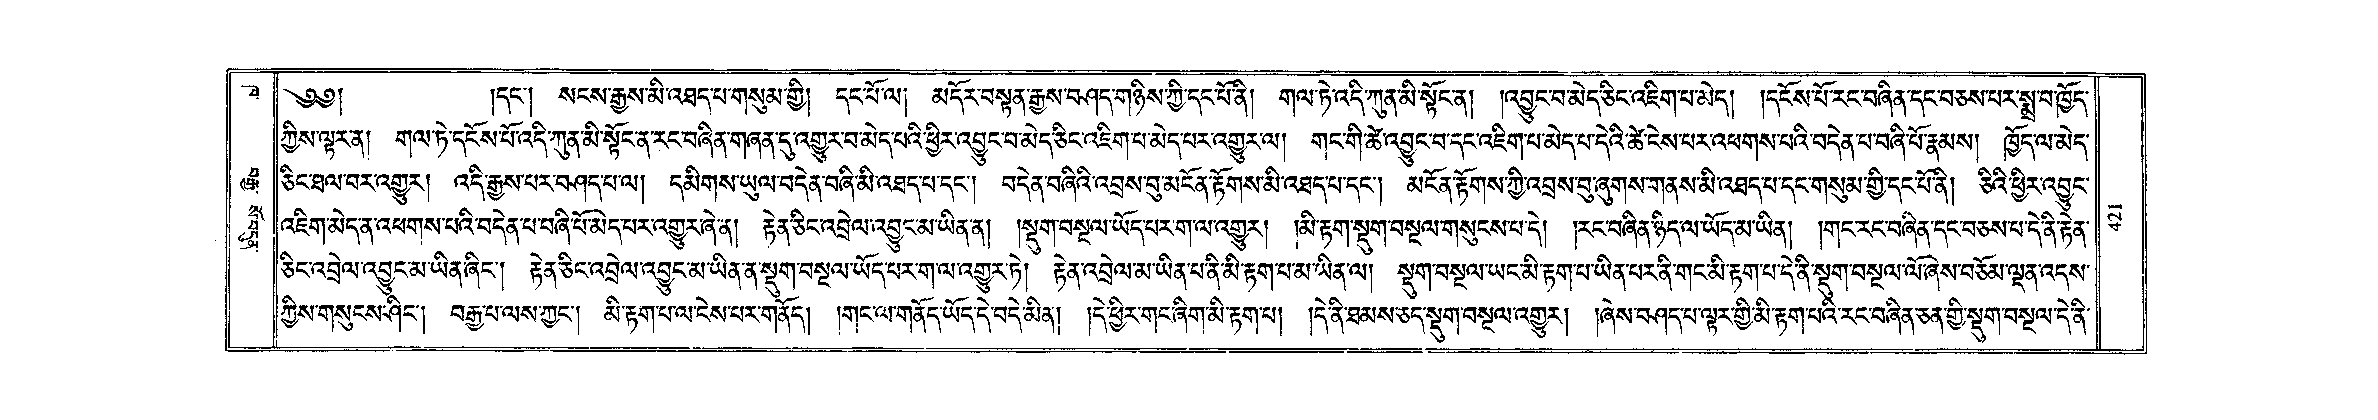༄༅། །དང་། སངས་རྒྱས་མི་འཐད་པ་གསུམ་གྱི། དང་པོ་ལ། མདོར་བསྟན་རྒྱས་བཤད་གཉིས་ཀྱི་དང་པོ་ནི། གལ་ཏེ་འདི་ཀུན་མི་སྟོང་ན། །འབྱུང་བ་མེད་ཅིང་འཇིག་པ་མེད། །དངོས་པོ་རང་བཞིན་དང་བཅས་པར་སྨྲ་བ་ཁྱོད་
ཀྱིས་ལྟར་ན། གལ་ཏེ་དངོས་པོ་འདི་ཀུན་མི་སྟོང་ན་རང་བཞིན་གཞན་དུ་འགྱུར་བ་མེད་པའི་ཕྱིར་འབྱུང་བ་མེད་ཅིང་འཇིག་པ་མེད་པར་འགྱུར་ལ། གང་གི་ཚེ་འབྱུང་བ་དང་འཇིག་པ་མེད་པ་དེའི་ཚེ་ངེས་པར་འཕགས་པའི་བདེན་པ་བཞི་པོ་རྣམས། ཁྱོད་ལ་མེད་
ཅིང་ཐལ་བར་འགྱུར། འདི་རྒྱས་པར་བཤད་པ་ལ། དམིགས་ཡུལ་བདེན་བཞི་མི་འཐད་པ་དང་། བདེན་བཞིའི་འབྲས་བུ་མངོན་རྟོགས་མི་འཐད་པ་དང་། མངོན་རྟོགས་ཀྱི་འབྲས་བུ་ཞུགས་གནས་མི་འཐད་པ་དང་གསུམ་གྱི་དང་པོ་ནི། ཅིའི་ཕྱིར་འབྱུང་
འཇིག་མེད་ན་འཕགས་པའི་བདེན་པ་བཞི་པོ་མེད་པར་འགྱུར་ཞེ་ན། རྟེན་ཅིང་འབྲེལ་འབྱུང་མ་ཡིན་ན། །སྡུག་བསྔལ་ཡོད་པར་ག་ལ་འགྱུར། །མི་རྟག་སྡུག་བསྔལ་གསུངས་པ་དེ། །རང་བཞིན་ཉིད་ལ་ཡོད་མ་ཡིན། །གང་རང་བཞིན་དང་བཅས་པ་དེ་ནི་རྟེན་
ཅིང་འབྲེལ་འབྱུང་མ་ཡིན་ཞིང་། རྟེན་ཅིང་འབྲེལ་འབྱུང་མ་ཡིན་ན་སྡུག་བསྔལ་ཡོད་པར་ག་ལ་འགྱུར་ཏེ། རྟེན་འབྲེལ་མ་ཡིན་པ་ནི་མི་རྟག་པ་མ་ཡིན་ལ། སྡུག་བསྔལ་ཡང་མི་རྟག་པ་ཡིན་པར་ནི་གང་མི་རྟག་པ་དེ་ནི་སྡུག་བསྔལ་ལོ་ཞེས་བཅོམ་ལྡན་འདས་
ཀྱིས་གསུངས་ཤིང་། བརྒྱ་པ་ལས་ཀྱང་། མི་རྟག་པ་ལ་ངེས་པར་གནོད། །གང་ལ་གནོད་ཡོད་དེ་བདེ་མིན། །དེ་ཕྱིར་གང་ཞིག་མི་རྟག་པ། །དེ་ནི་ཐམས་ཅད་སྡུག་བསྔལ་འགྱུར། །ཞེས་བཤད་པ་ལྟར་གྱི་མི་རྟག་པའི་རང་བཞིན་ཅན་གྱི་སྡུག་བསྔལ་དེ་ནི་